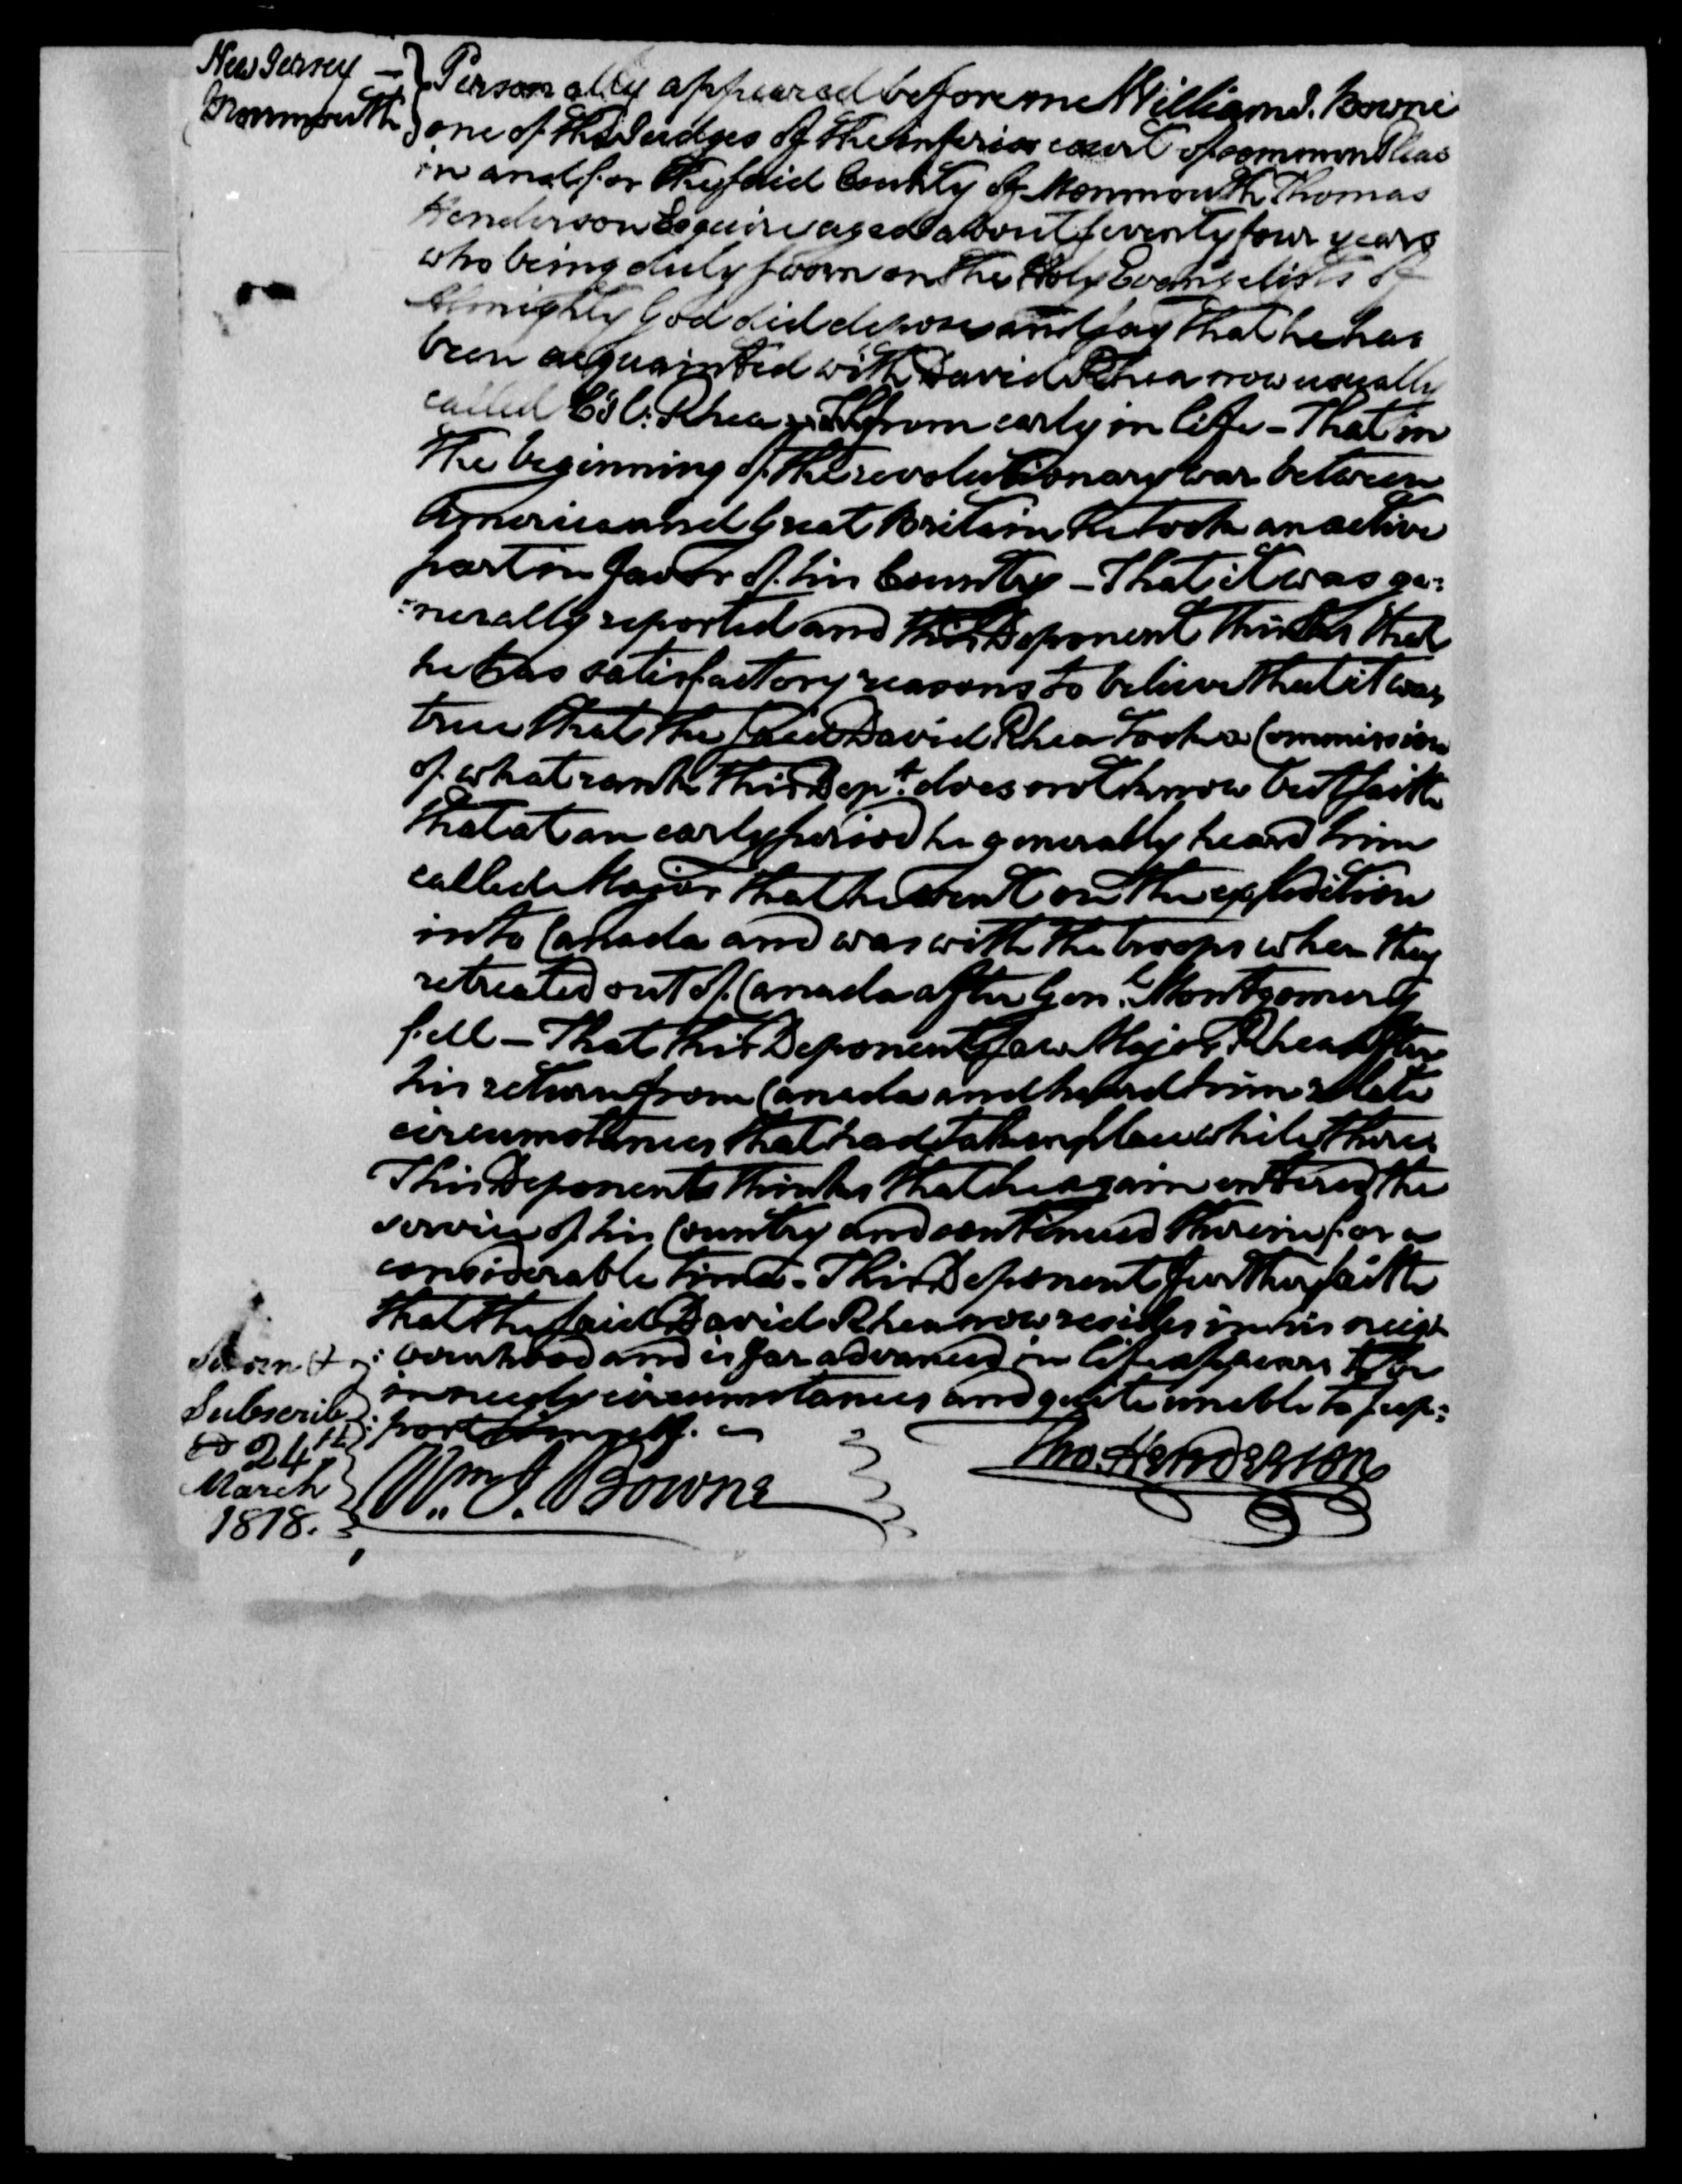New Jersey -
Monmouth }

Personally appeared before me William J. Bowne
one of the Judges of the Inferior Court of common Pleas
in and for the said County of Monmouth Thomas
Henderson Esquire aged about seventy four years
who being duly sworn on the Holy Evangelists of
Almighty God did depose and say that he has
been acquainted with David Rhea now usually
called Col. Rhea well [?] from early in life. That in
the beginning of the revolutionary war between
America and Great Britain he took an active
part in favor of his Country. That it was
generally reported and this deponent thinks that
he has satisfactory reasons to believe that it was
true That the said David Rhea took a Commission
of what rank this dep't [deponent] does not know but saith
that at an early period he generally heard him
called Major That he went on the expedition
into Canada and was with the troops when they
retreated out of Canada after Gen. Montgomery
fell. That this Deponent saw Major Rhea after
his return from Canada and heard him relate
circumstances that had taken place while there
This deponent thinks that he again entered the
service of his Country and continued therein for a
considerable time. This Deponent further saith
that the said David Rhea now resides in his
neighborhood and is far advanced in life appears to be
in needy circumstances and quite unable to support
himself.

Tho. Henderson

Sworn & Subscribed 24th March 1818.

Wm. J. Bowne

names: David Rhea; Tho Henderson; William J Bowne; [BLANK] Rhea; David Rhea; [BLANK] Montgomery; David Rhea; [BLANK] Rhea; Thomas Henderson; Wm J Bowne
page: 5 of 21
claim: survivor's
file: S. 33,554, for David Rhea, New Jersey